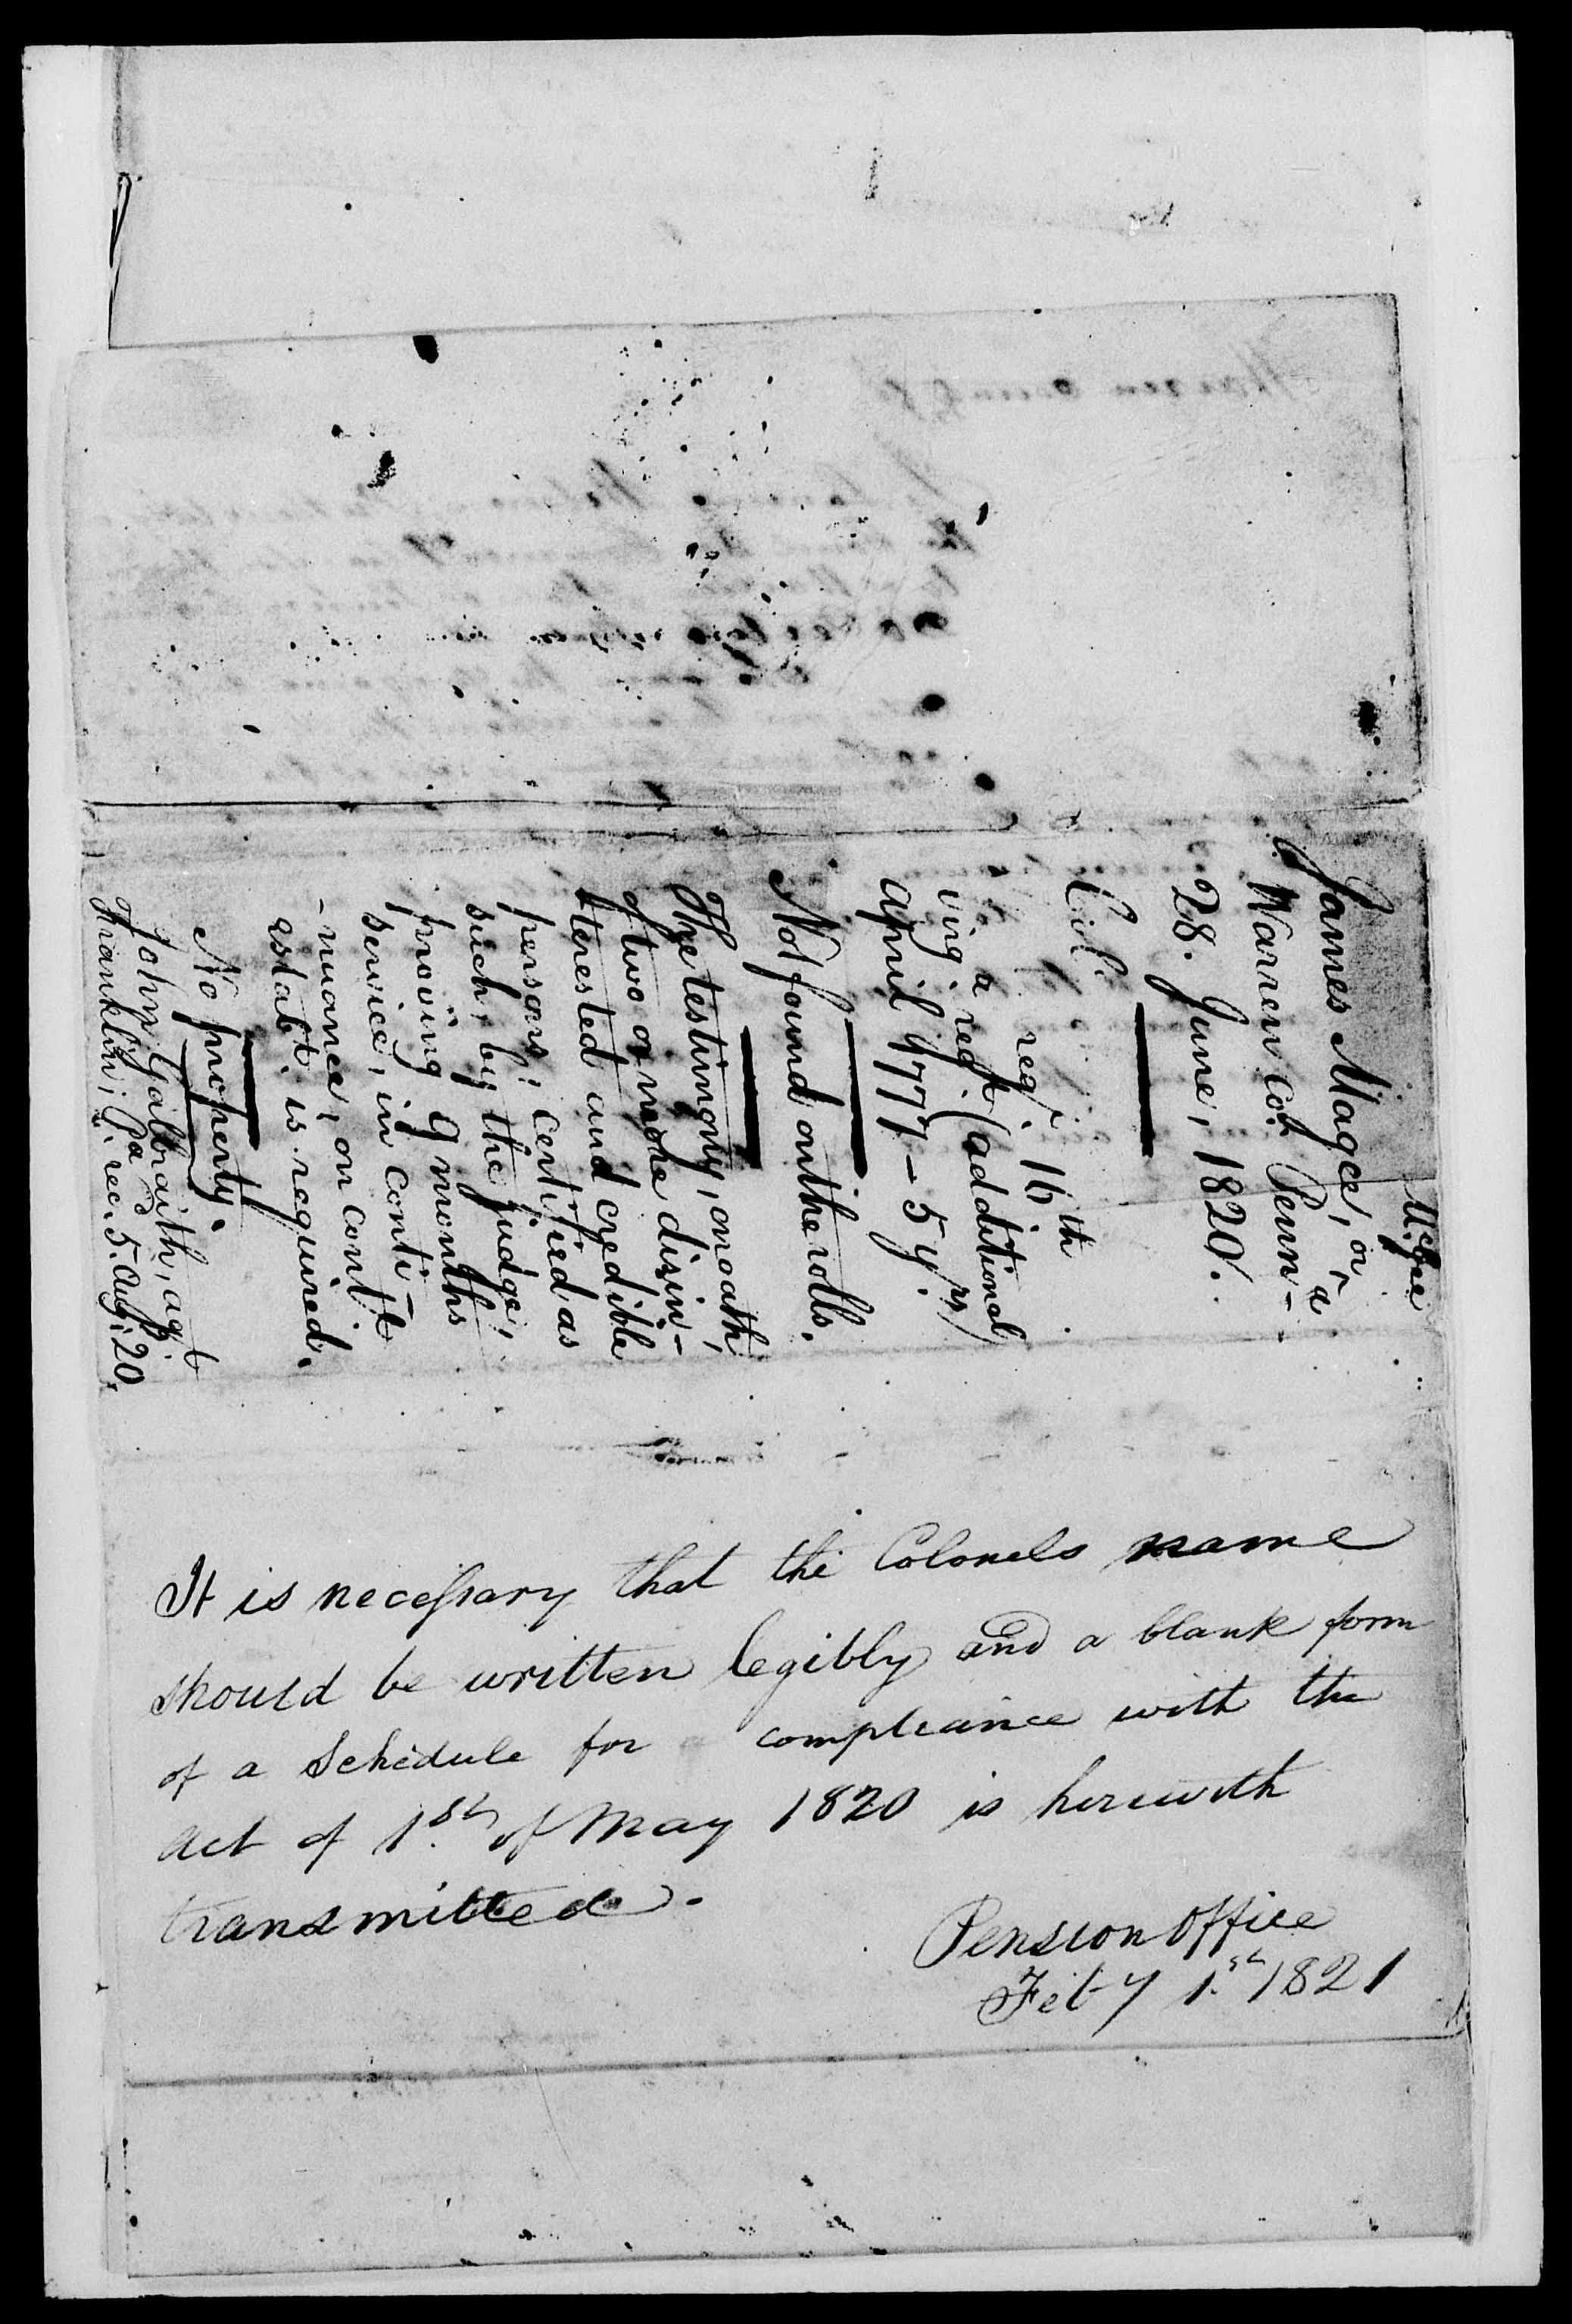James Magee or McGee
Warren Co. Penn-
28 June, 1820
-----
Col
regt 16
Virg. regt additional
April 1777 - 5 yrs
----
Not found on the rolls
-----
The testimony, on oath
of two or more disinterested
and credible
persons, certified as 
such by the judge,
proving 9 months
service, in continuance,
on continental is required
-----------
No Property
John Galbraith, agt.
Franklin, Pa, recd 5 Aug 20

It is necessary that the Colonels name should be written legibly and a blank form of a Schedule for compliance with the act of 1st May 1820 is herewith transmitted.

Pension Office
Feby 1st 1821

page: 57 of 77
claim: widow's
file: W 2954, for James Mc Gee, Delaware